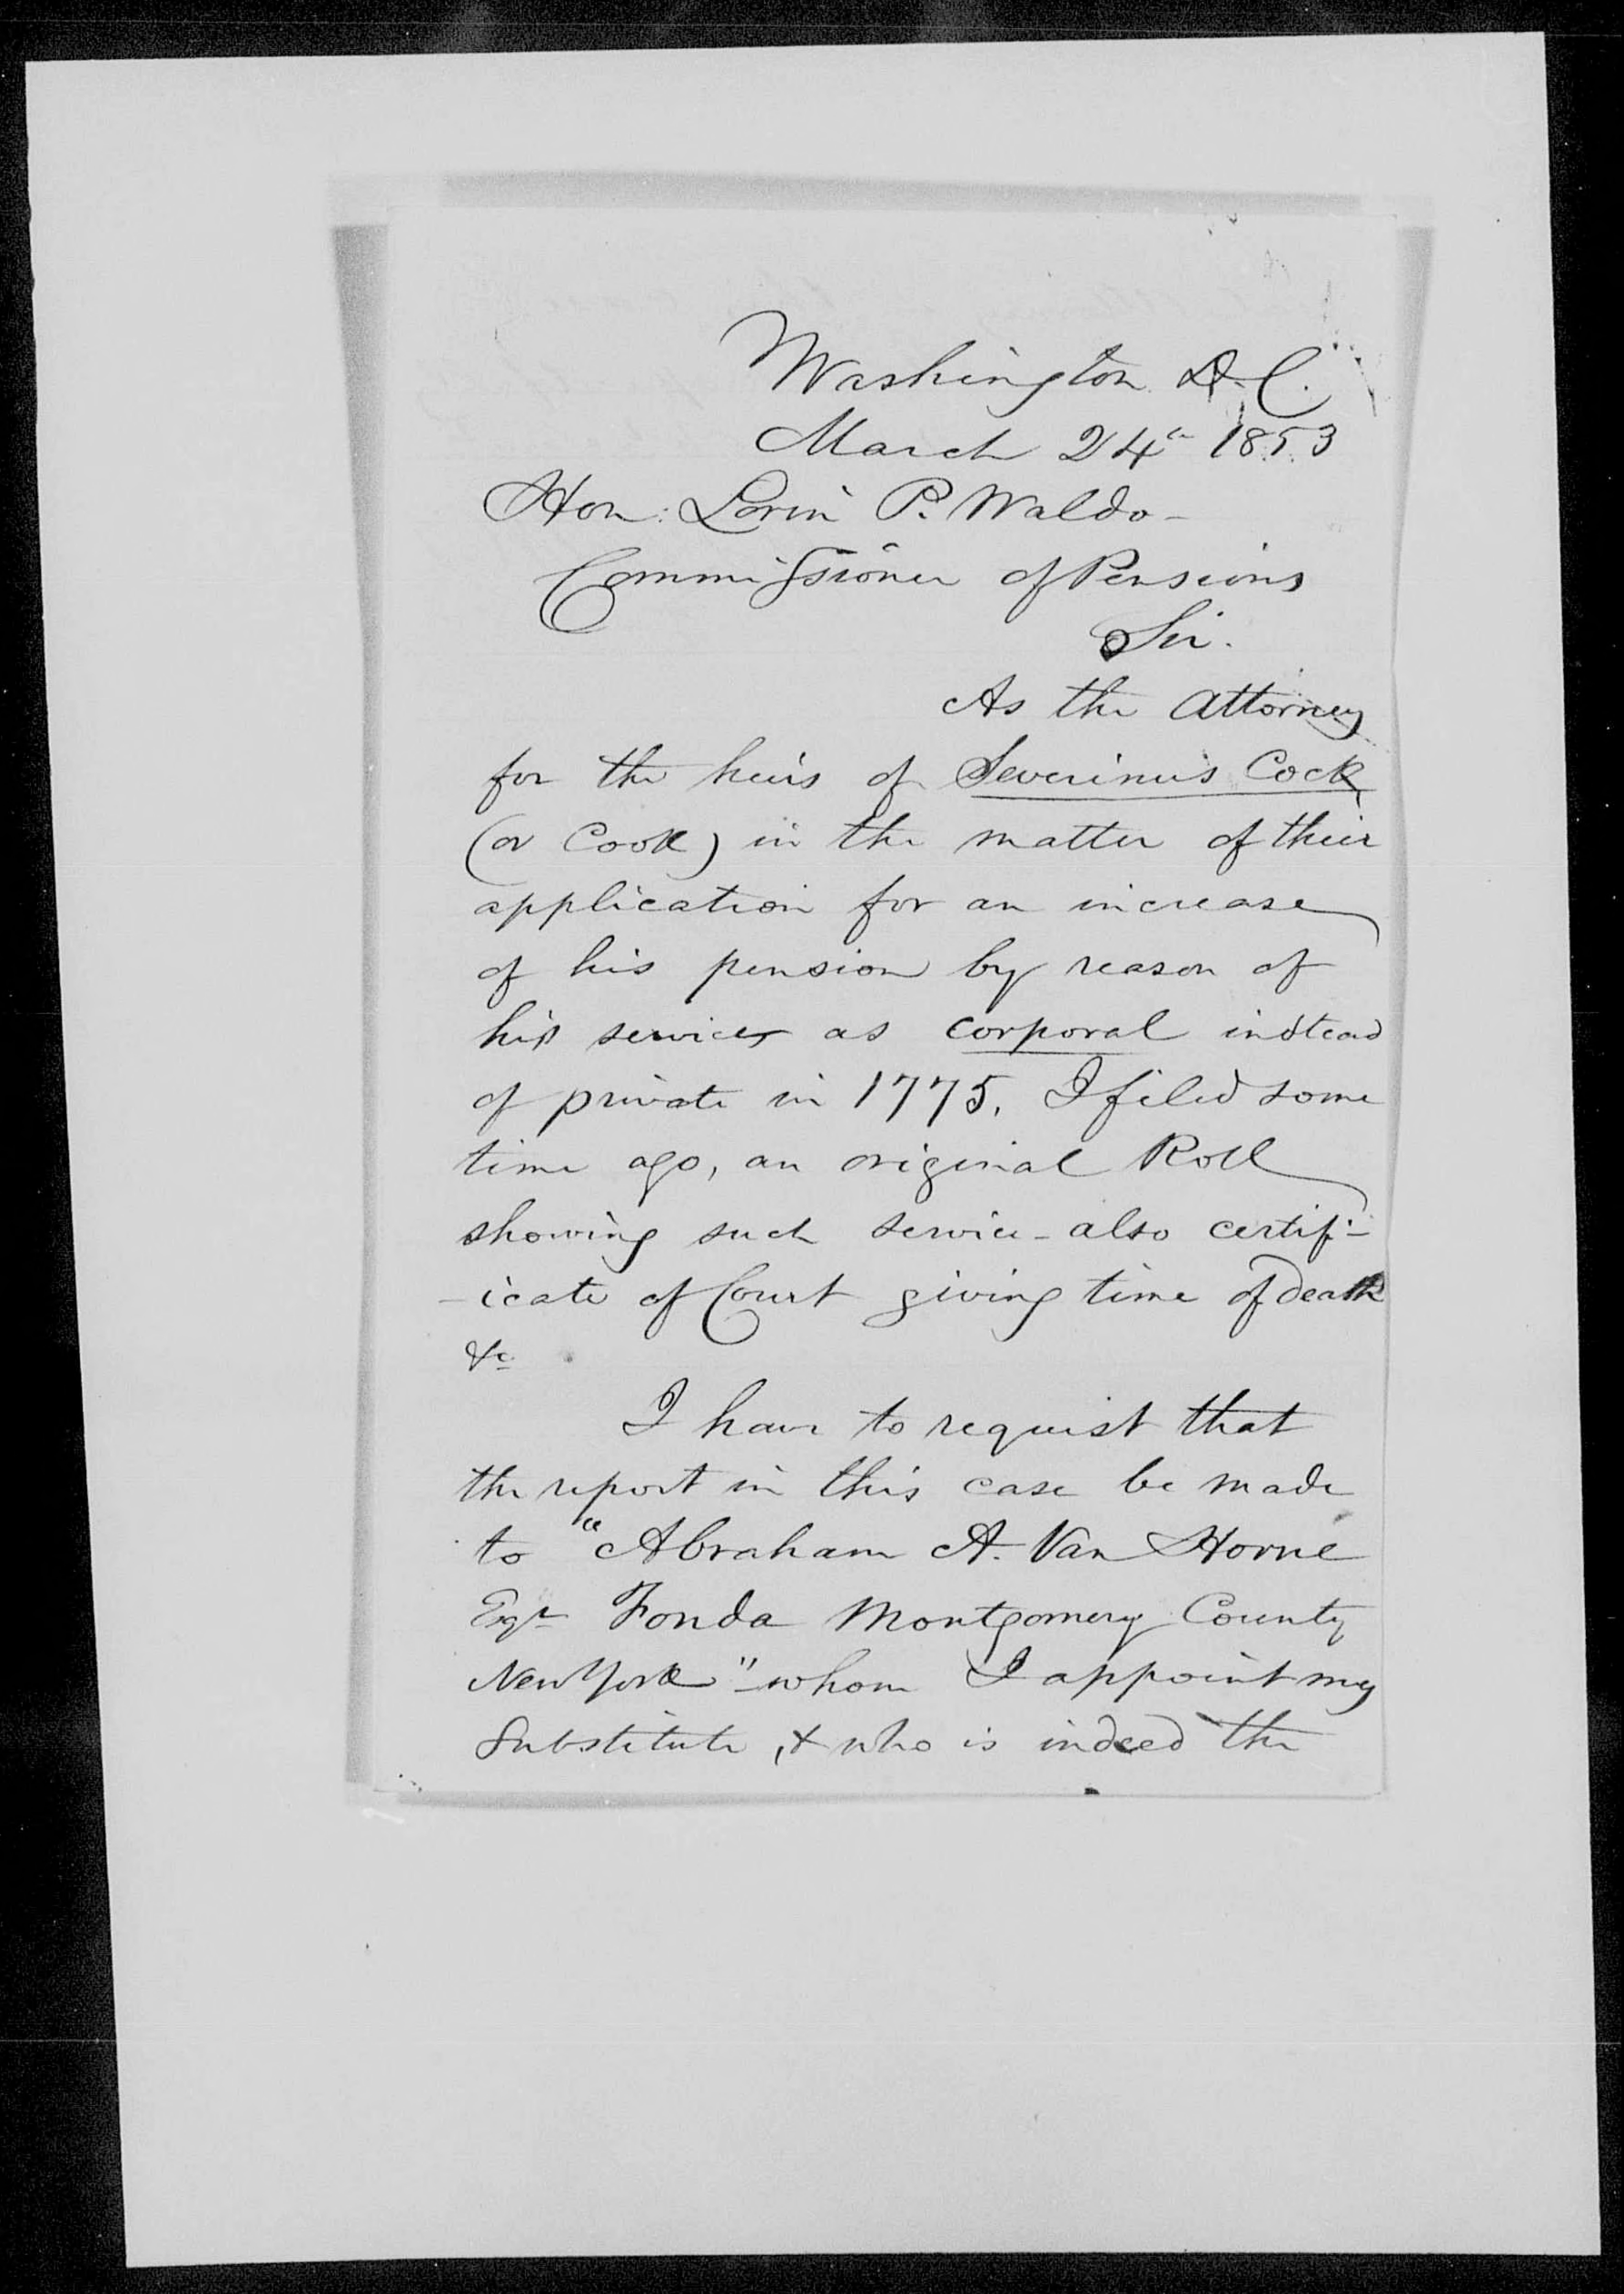Washington D.C.
March 24th1853

Hon: Lorin P. Waldo
Commissioner of Pensions

Sir:
As the Attorney for the heirs of Severinus Cock (or Cook) in the matter of their application for an increase of his pension by reason of his service as Corporal instead of private in 1775, I filed some time ago, an original Roll showing such service - also certificate of Court giving time of death &c.

I have to request that the report in this case be made to "Abraham A. Van Horne Esqr Fonda Montgomery County New York" whom I appoint my substitute, & who is indeed the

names: Severinus Cook, Abraham A Van Horne, Lorin P Waldo, Severinus Cook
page: 26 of 51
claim: survivor's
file: S. 12563, Severinus Cook, New York